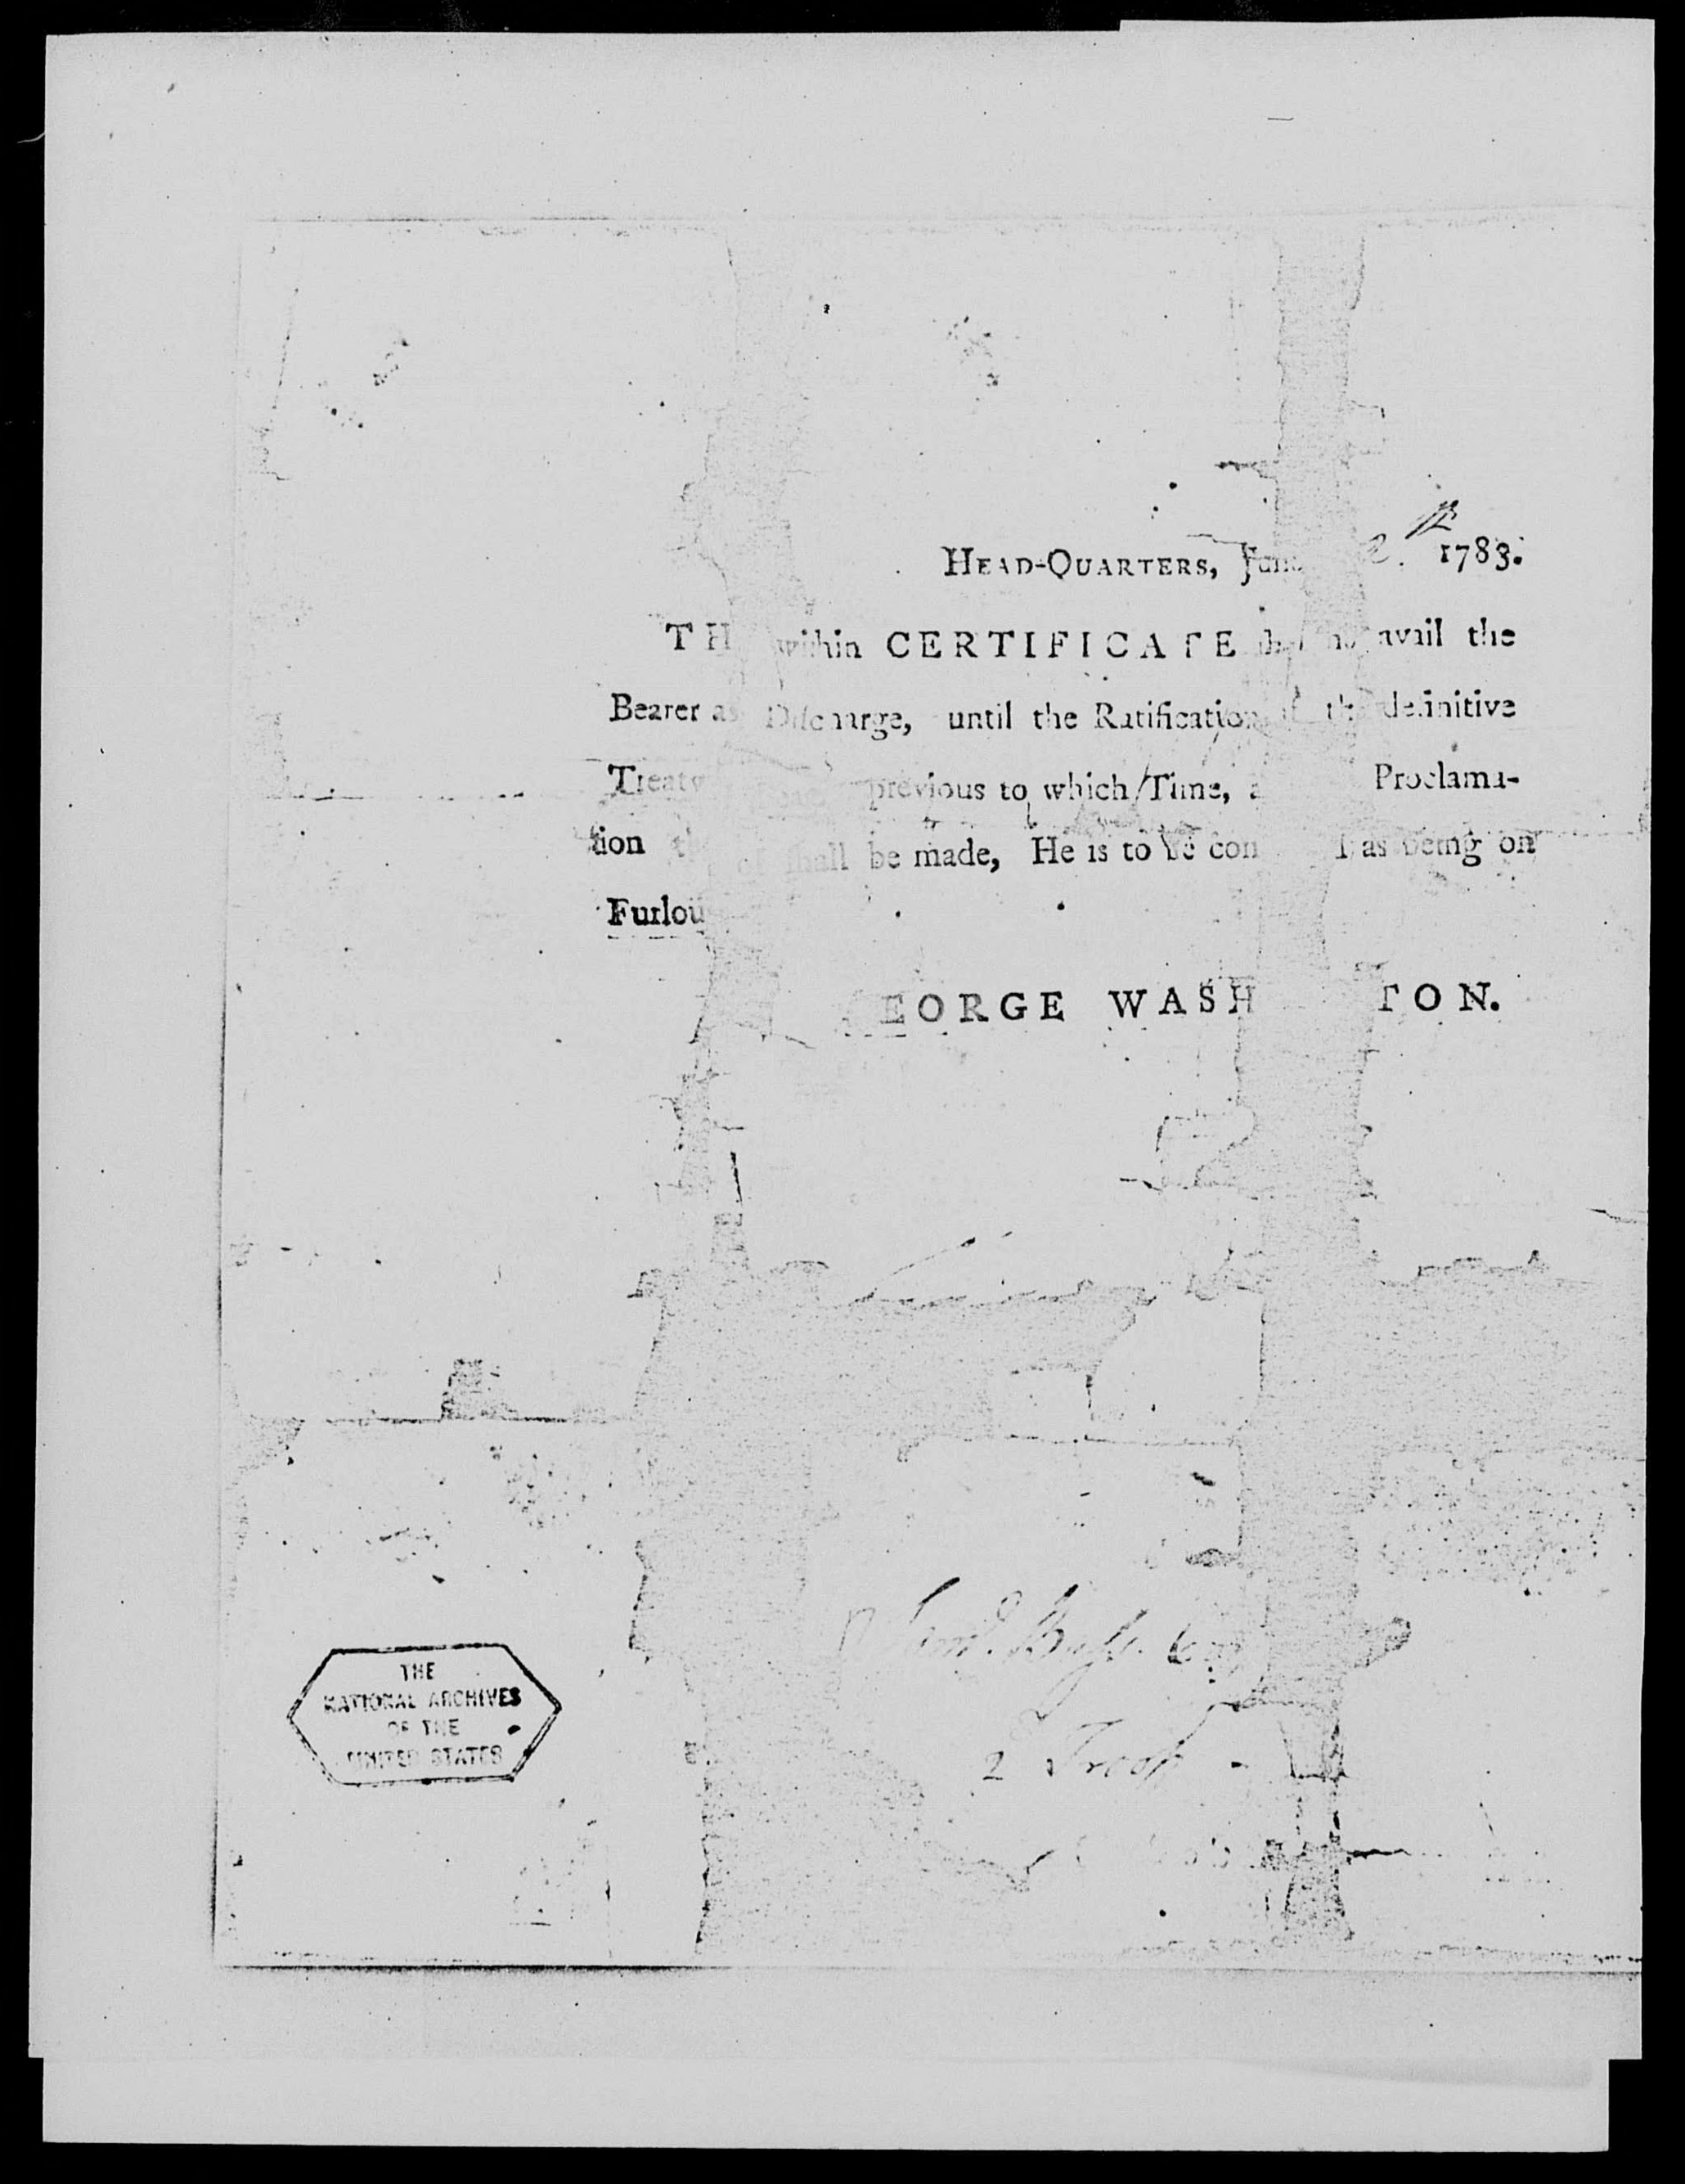HEAD-QUARTERS, June 12th 1783.

THE within CERTIFICATE shall avail the Bearer as Discharge, until the Ratification of the definitive Treaty [missing] previous to which Time, [missing] Proclamation [missing] shall be made, He is to be considered as being on Furlough.
GEORGE WASHINGTON.

Saml. Bass Corporal
2d Troop - 
[illegible]

[Stamped:] THE NATIONAL ARCHIVES OF THE UNITED STATES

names: Saml Bass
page: 8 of 9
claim: bounty land warrant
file: B. L. Wt. 87-100, Samuel Bass, Continental